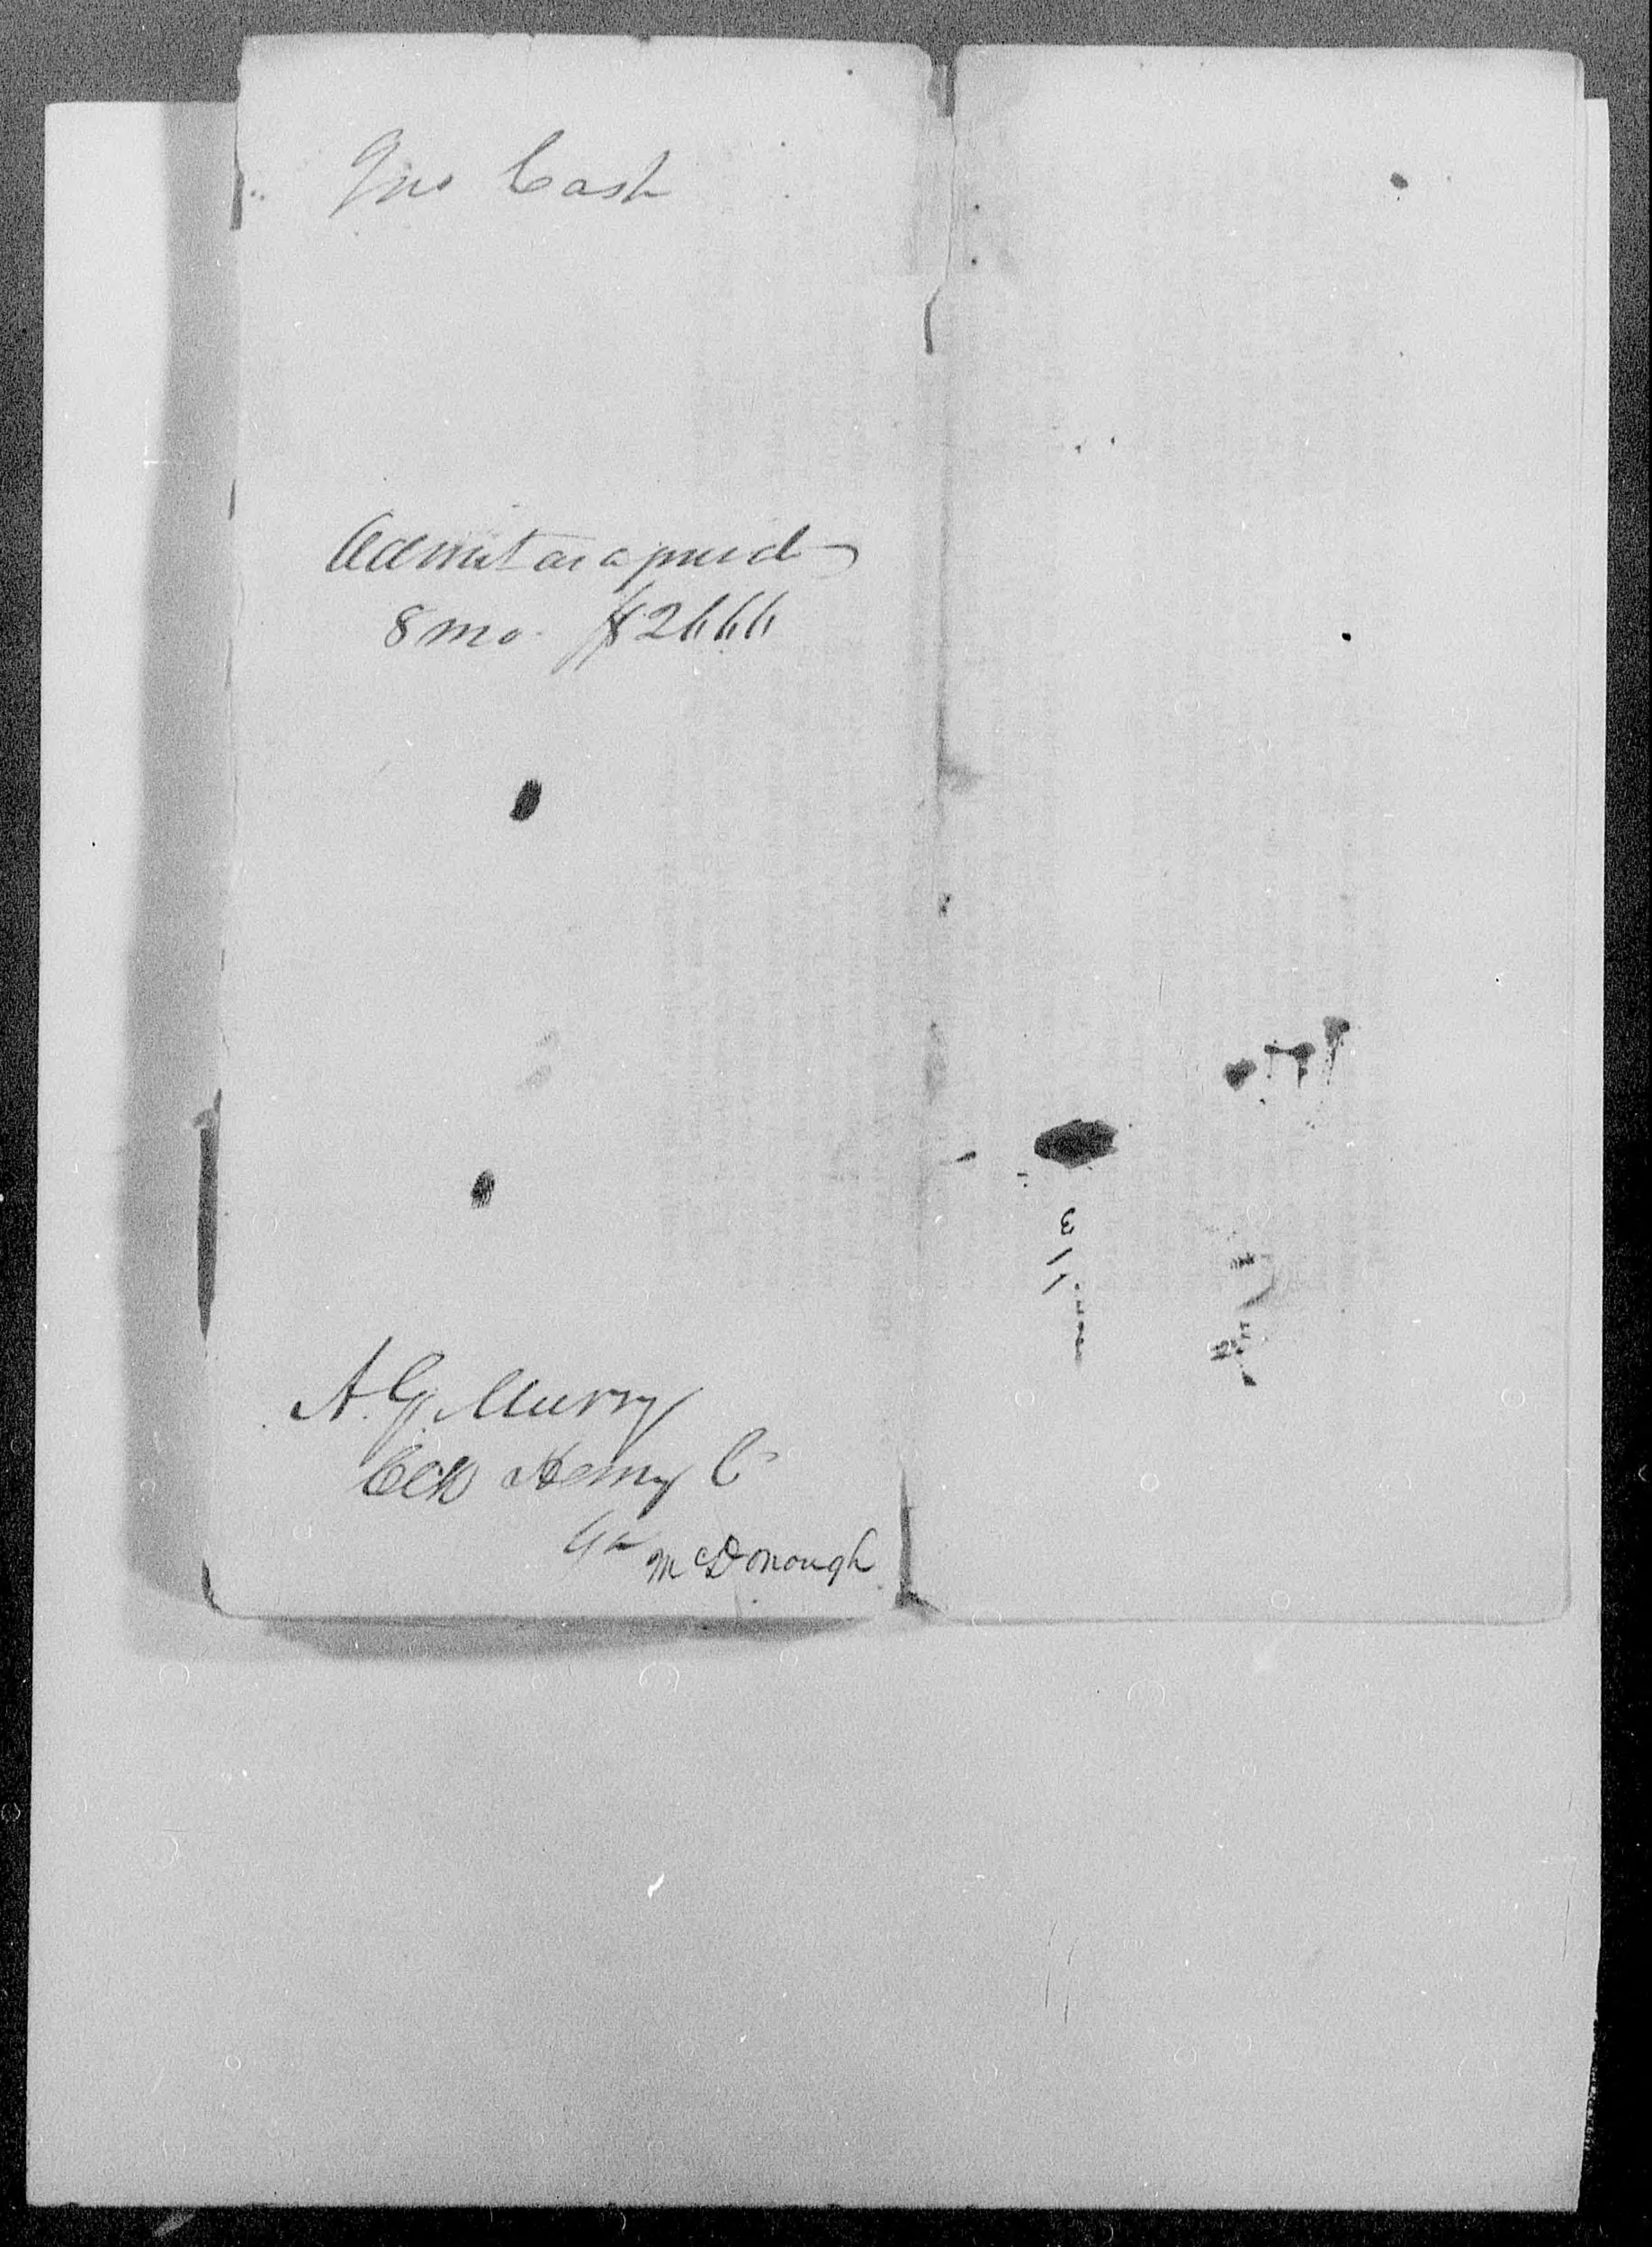Jno Cash

Amt paid
8 mo. $26.66
1
A G Murry, Clk ,Henry C. GA
McDonough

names: Jno Cash, A G Murry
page: 37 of 73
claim: widow's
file: W. 5,894, John Cash, Va.